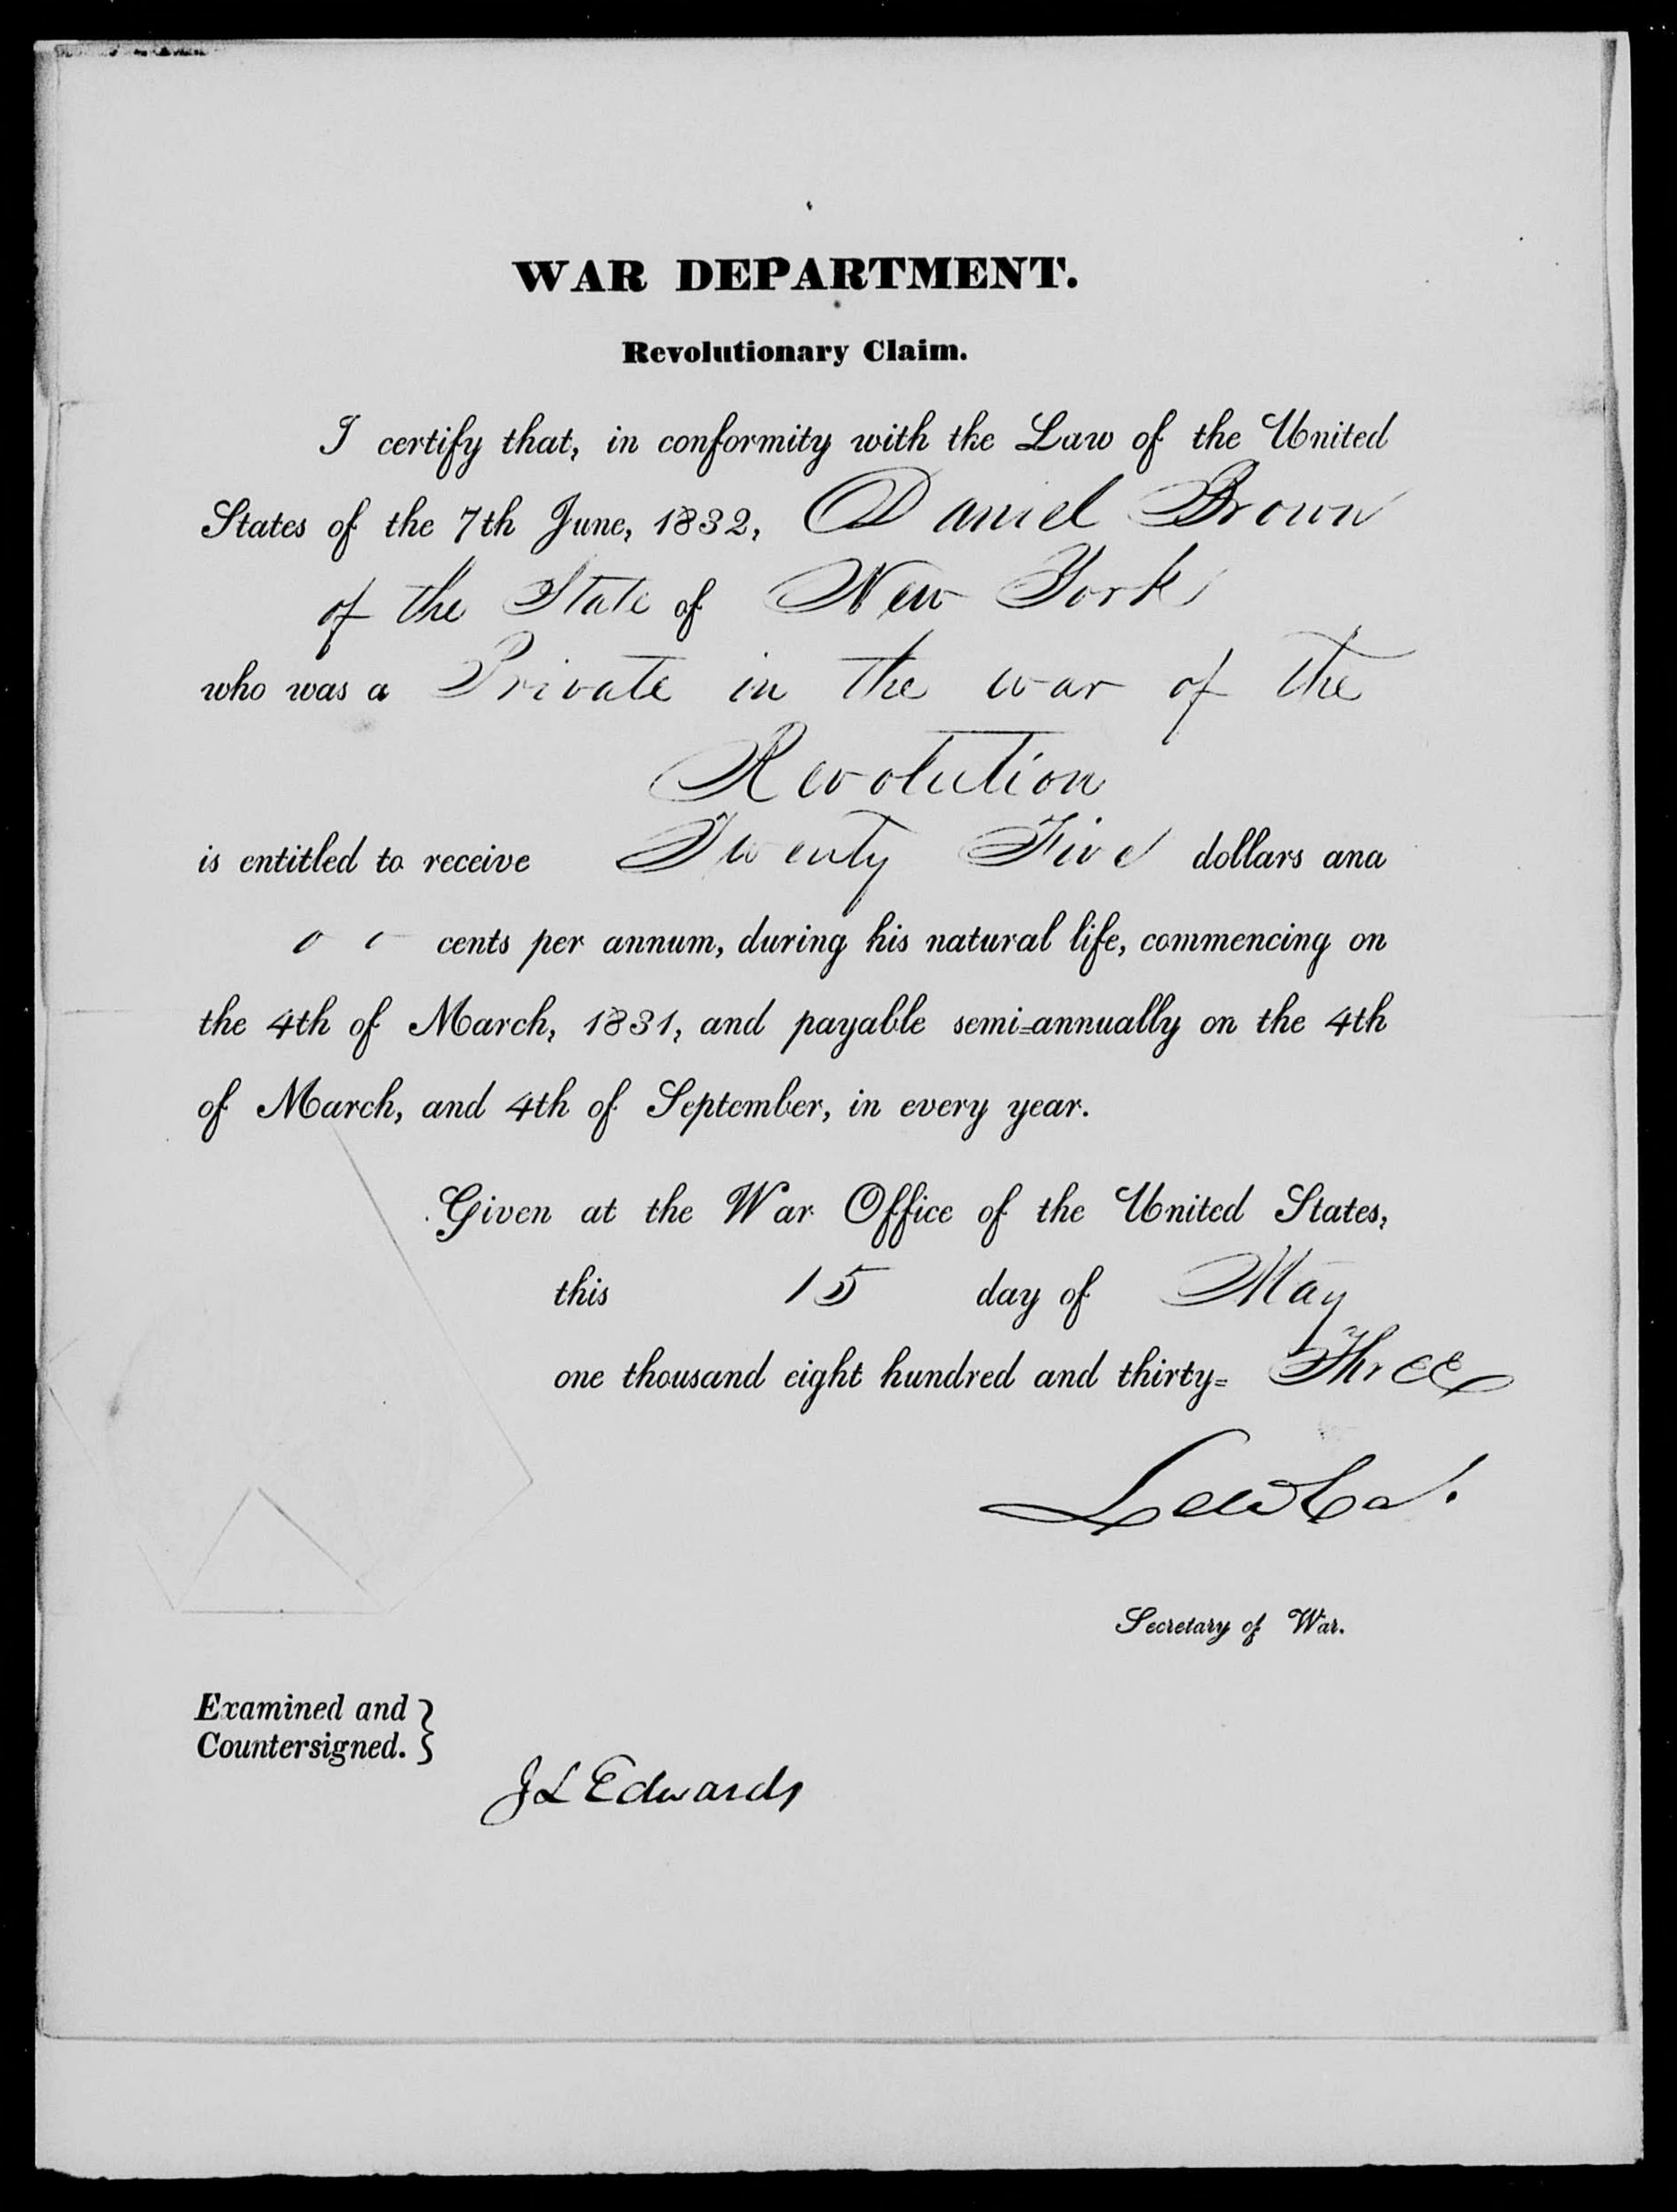WAR DEPARTMENT.
Revolutionary Claim.
I certify that, in conformity with the Law of the United States
of the 7th June, 1832, Daniel Brown
of the State of New York who was a Private in the war of the
Revolution
is entitled to receive
Twenty Five dollars and
0 0 cents per annum, during his natural life, commencing on
the 4th of March, 1831, and payable semi-annually on the 4th
of March, and 4th of September, in every year
Given at the War Office of the United States,
this 15 day of May
one thousand eight hundred and thirty-three
Lewis Cass
Secretary of War
Examined and
Countersigned. } J L Edwards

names: J L Edwards, Lew Cas, Daniel Brown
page: 32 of 37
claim: widow's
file: W. 20,787, Daniel Brown, Conn. Navy.